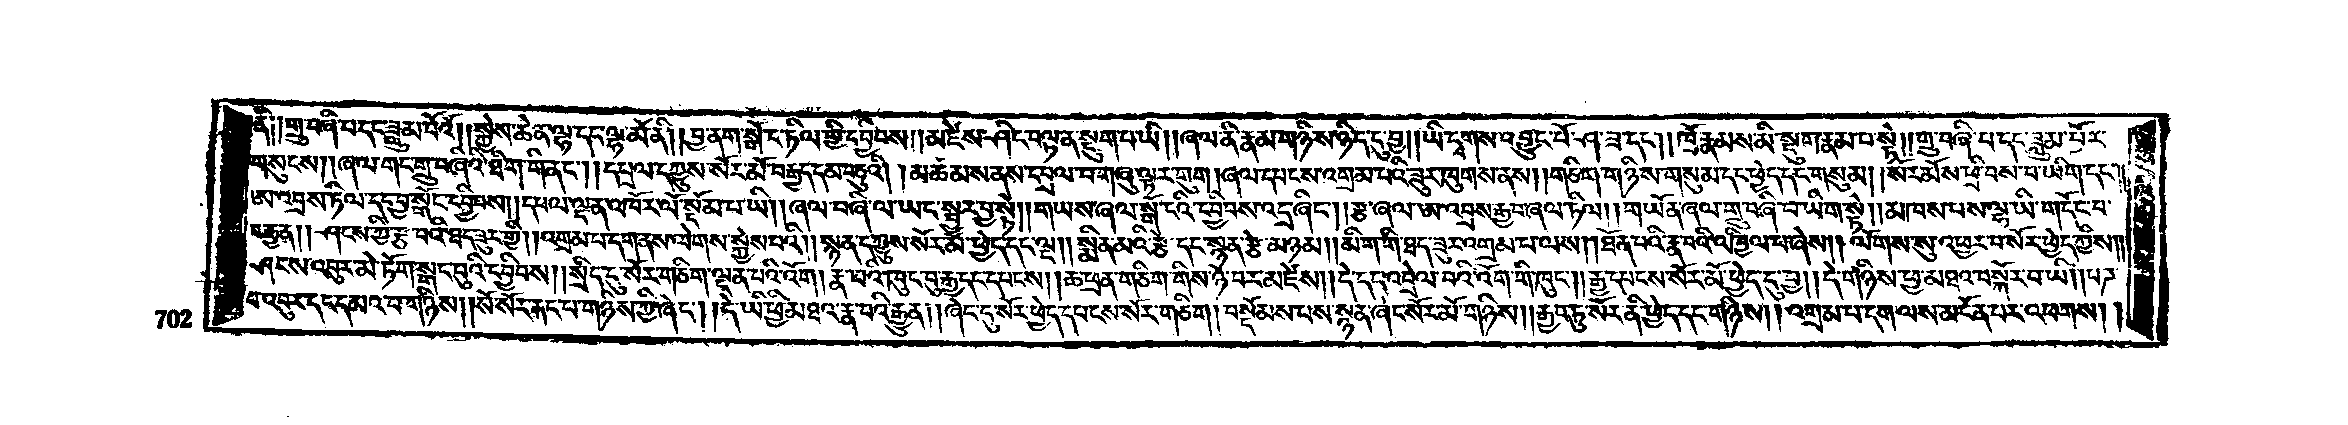ནི། །གྲུ་བཞི་པ་དང་ཟླུམ་པོའོ། །སྐྱེས་ཆེན་ལྷ་དང་ལྷ་མོ་ནི། །བྱ་ནག་སྒོ་ང་ཏིལ་གྱི་དབྱིབས། །མཛེས་ཤིང་བལྟ་ན་སྡུག་པ་ཡི། །ཞལ་ནི་རྣམ་གཉིས་ཉིད་དུ་བྱ། །ཡི་དྭགས་འབྱུང་པོ་ཤ་ཟ་དང་། །ཁྲོ་རྣམས་མི་སྡུག་རྣམ་པ་སྟེ། །གྲུ་བཞི་པ་དང་ཟླུམ་པོར་
གསུངས། །ཞལ་གང་གྲུ་བཞིའི་ཐིག་གི་ནང་། །དཔྲལ་དཀྱུས་སོར་མོ་བརྒྱད་དམ་བཅུའི། །མཚམས་ནས་དཔྲལ་བ་གཞུ་ལྟར་གུག །ཞལ་དཔངས་འགྲམ་པའི་ཟུར་ཁུགས་ནས། །གཅིག་གཉིས་གསུམ་དང་ཕྱེད་དང་གསུམ། །སོར་མོས་ཕྲི་བས་པ་ཡིག་དང་། །
ཨ་འབྲས་ཏིལ་དང་བྱ་སྒོང་དབྱིབས། །དཔལ་ལྡན་འཁོར་ལོ་སྡོམ་པ་ཡི། །ཞལ་བཞི་ལ་ཡང་སྦྱར་བྱ་སྟེ། །གཡས་ཞལ་སྒོ་ངའི་དབྱིབས་འདྲ་ཞིང་། །རྩ་ཞལ་ཨ་འབྲས་རྒྱབ་ཞལ་ཏིལ། །གཡོན་ཞལ་གྲུ་བཞི་པ་ཡིག་སྟེ། །མཁས་པས་ལྷ་ཡི་གདོང་པ་
བརྒྱན། །ཤངས་ཀྱི་རྩ་བའི་ཐད་ཟུར་གྱི། །འགྲམ་པ་དག་ནས་ལེགས་སྐྱེས་པའི། །སྙན་དཀྱུས་སོར་མོ་ཕྱེད་དང་ལྔ། །སྨིན་མའི་རྩེ་དང་སྙན་རྩེ་མཉམ། །མིག་གི་ཐད་ཟུར་འགྲམ་པ་ལས། །ཐོན་པའི་རྣ་བའི་འཁྱིལ་པ་ཞེས། །ལོགས་སུ་འཕྱར་བ་སོར་ཕྱེད་ཀྱིས། །
ཤངས་འབུར་མེ་ཏོག་སྒང་བུའི་དབྱིབས། །སྲིད་དུ་སོར་གཅིག་ལྡན་པའི་འོག །རྣ་བའི་ཁུང་བུ་རྒྱ་དང་དཔངས། །ཆ་ཕྲན་གཅིག་གིས་ཉེ་བར་མཛེས། །དེ་དང་འབྲེལ་བའི་འོག་གི་ཁུང་། །རྒྱ་དཔངས་སོར་མོ་ཕྱེད་དུ་བྱ། །དེ་གཉིས་ཕྱ་མཐའ་བསྐོར་བ་ཡི། །པཌ་
པ་འབུར་དང་དམའ་བ་གཉིས། །སོ་སོར་རྐང་པ་གཉིས་ཀྱི་ཞེང་། །དེ་ཡི་ཕྱི་མཐའ་རྣ་བའི་རྒྱུན། །ཞེང་དུ་སོར་ཕྱེད་དཔངས་སོར་གཅིག །བསྡོམས་པས་སྙན་ཞེང་སོར་མོ་གཉིས། །རྒྱབ་ཏུ་སོར་ནི་ཕྱེད་དང་གཉིས། །འགྲམ་པ་དག་ལས་མངོན་པར་འཕགས། །